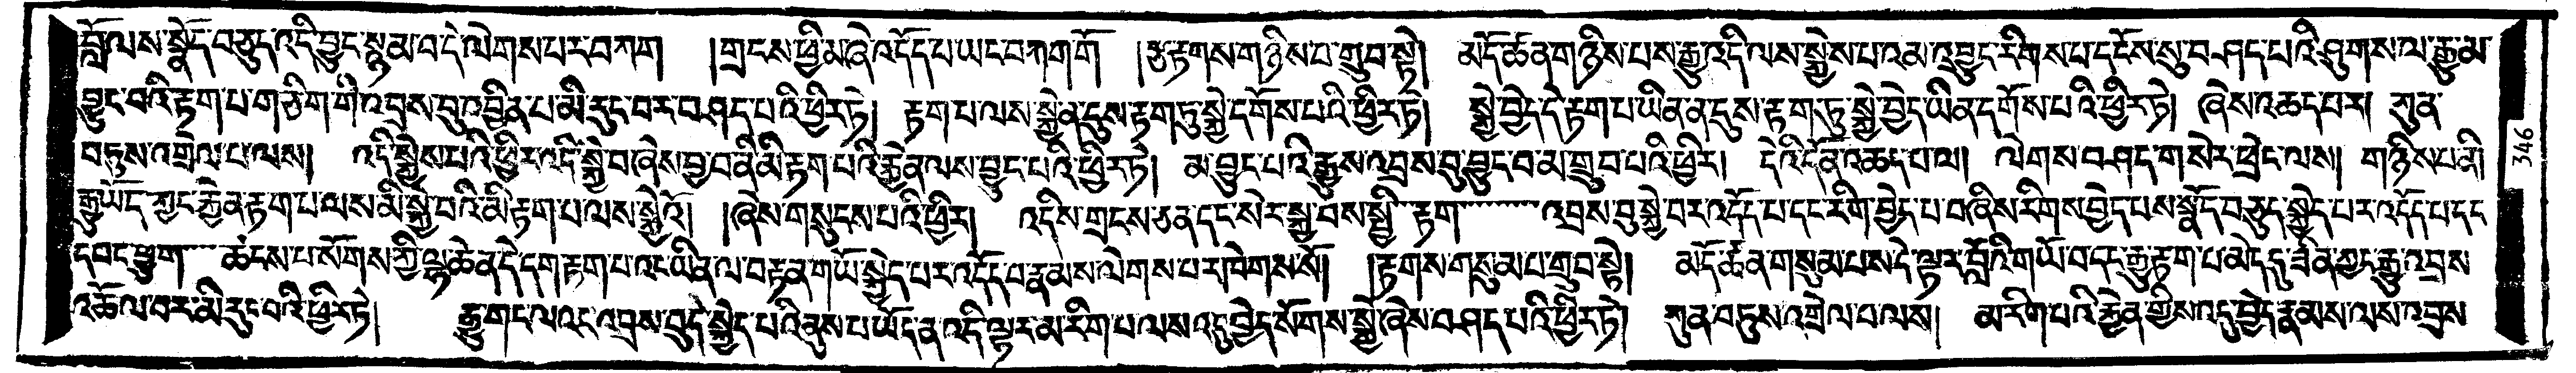བློ་ལས་སྣོད་བཅུད་འདི་བྱུང་སྙམ་པ་དེ་ལེགས་པར་བཀག །གྲངས་ཕྱི་མ་ཞེ་འདོད་པ་ཡང་བཀག་གོ །རྩ་རྟགས་གཉིས་པ་གྲུབ་སྟེ། མདོ་ཚན་གཉིས་པས་རྒྱུ་འདི་ལས་སྐྱེས་པའམ་འབྱུང་རིགས་པ་དངོས་སུ་བཤད་པའི་ཤུགས་ལ་རྒྱུ་མ་
བྱུང་བའི་རྟག་པ་གཅིག་གི་འབྲས་བུ་འབྱིན་པ་མི་རུང་བར་བཤད་པའི་ཕྱིར་ཏེ། རྟག་པ་ལས་སྐྱེ་ན་དུས་རྟག་ཏུ་སྐྱེ་དགོས་པའི་ཕྱིར་ཏེ། སྐྱེ་བྱེད་དེ་རྟག་པ་ཡིན་ན་དུས་རྟག་ཏུ་སྐྱེ་བྱེད་ཡིན་དགོས་པའི་ཕྱིར་ཏེ། ཞེས་འཆད་པར། ཀུན་
བཏུས་འགྲེལ་པ་ལས། འདི་སྐྱེས་པའི་ཕྱིར་འདི་སྐྱེ་བ་ཞེས་བྱ་བ་ནི་མི་རྟག་པའི་རྐྱེན་ལས་བྱུང་པའི་ཕྱིར་ཏེ། མ་བྱུང་པའི་རྒྱུས་འབྲས་བུ་བྱུང་བ་མ་གྲུབ་པའི་ཕྱིར། དེའི་དོན་འཆད་པ་ལ། ལེགས་བཤད་གསེར་ཕྲེང་ལས། གཉིས་པ་ནི།
རྒྱུ་ཡོད་ཀྱང་རྐྱེན་རྟག་པ་ལས་མི་སྐྱེ་བའི་མི་རྟག་པ་ལས་སྐྱེའོ། །ཞེས་གསུངས་པའི་ཕྱིར། འདིས་གྲངས་ཅན་དང་སེར་སྐྱ་བས་སྤྱི་རྟག་འབྲས་བུ་སྐྱེ་བར་འདོད་པ་དང་རིག་བྱེད་པ་བཞིས་རིགས་བྱེད་པས་སྣོད་བཅུད་སྐྱེད་པར་འདོད་པ་དང་
དབང་ཕྱུག་ཚངས་པ་སོགས་ཀྱི་ལྷ་ཆེན་དེ་དག་རྟག་པའང་ཡིན་ལ་བརྟན་གཡོ་སྐྱེད་པར་འདོད་པ་རྣམས་ལེགས་པར་ཁེགས་སོ། །རྟགས་གསུམ་པ་གྲུབ་སྟེ། མདོ་ཚན་གསུམ་པས་དེ་ལྟར་བློའི་གཡོ་བ་དང་རྒྱུ་རྟག་པ་མེད་དུ་ཟིན་ཀྱང་རྒྱུ་འབྲས་
འཆོལ་བར་མི་རུང་བའི་ཕྱིར་ཏེ། རྒྱུ་གང་ལའང་འབྲས་བུ་དེ་སྐྱེད་པའི་ནུས་པ་ཡོད་ན་འདི་ལྟར་མ་རིག་པ་ལས་འདུ་བྱེད་སོགས་སྐྱེ་ཞེས་བཤད་པའི་ཕྱིར་ཏེ། ཀུན་བཏུས་འགྲེལ་བ་ལས། མ་རིག་པའི་རྐྱེན་གྱིས་འདུ་བྱེད་རྣམས་ལས་འབྲས་